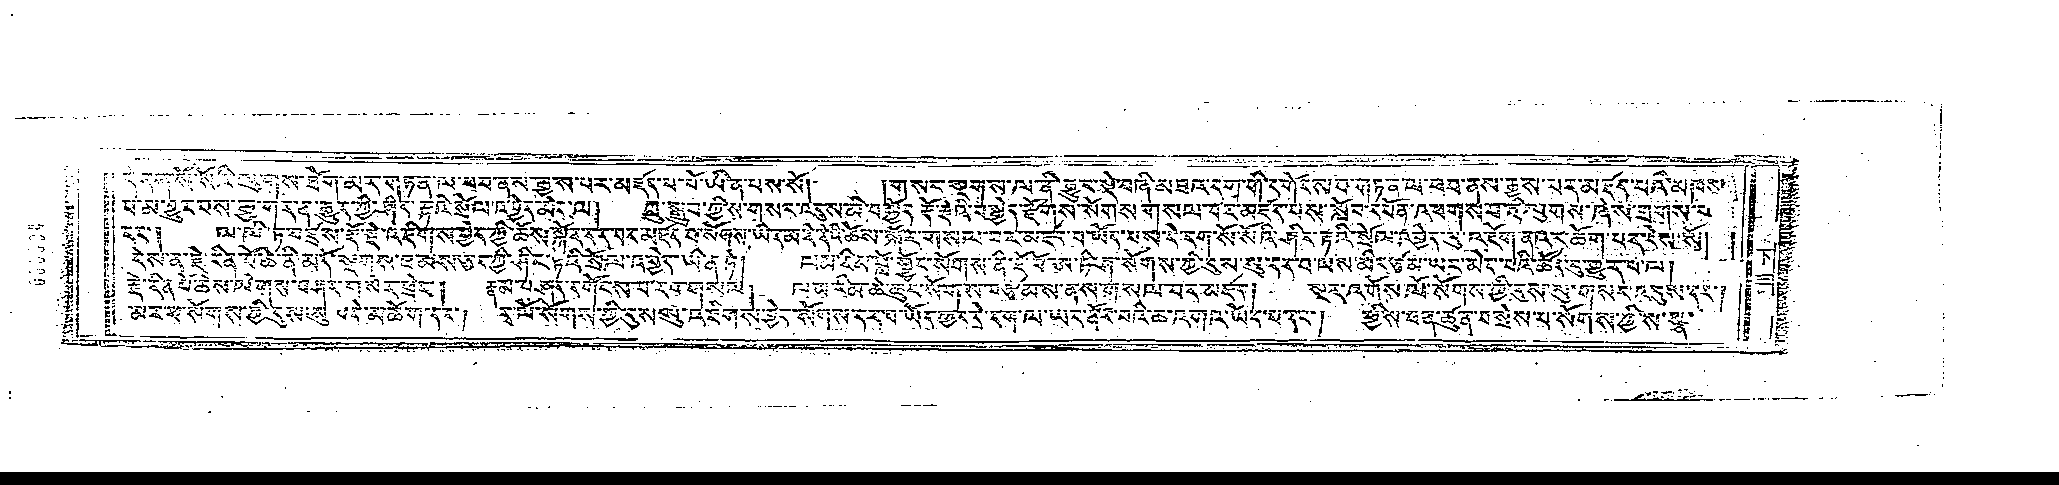དེ་དག་སོ་སོའི་ལུགས་ཐོག་མར་གཏན་ལ་ཕབ་ནས་རྒྱས་པར་མཛད་པ་པོ་ཡིན་པས་སོ། །གསང་སྔགས་ལ་ནི་རྒྱུད་སྡེ་བཞི་མཐའ་དག་གི་དགོངས་པ་གཏན་ལ་ཕབ་ནས་རྒྱས་པར་མཛད་པའི་མཁས་
པ་མ་བྱུང་བས་རྒྱ་གར་ན་བྱུར་ཀྱི་ཤིང་རྟའི་སྲོལ་འབྱེད་མེད་ལ། ཀླུ་སྒྲུབ་ཀྱིས་གསང་འདུས་མི་བསྐྱོད་རྡོ་རྗེའི་བསྐྱེད་རྫོགས་སོགས་གསལ་བར་མཛད་པས་སློབ་དཔོན་འཕགས་པའི་ལུགས་ཞེས་གྲགས་པ་
དང་། ལ་ལི་ཏ་བཛྲས་རྡོ་རྗེ་འཇིགས་བྱེད་ཀྱི་ཆོས་སྐོར་དར་བར་མཛད་བ་སོགས་ཡི་དམ་རེ་རེའི་ཆོས་སྐོར་གསལ་བར་མཛད་པ་ཡོད་པས་དེ་དག་སོ་སོའི་ཤིང་རྟའི་སྲོལ་འབྱེད་དུ་འཇོག་ནའང་ཆོག་པར་ངེས་སོ། །
ངེས་ན་རྗེ་རིན་པོ་ཆེ་ནི་མདོ་སྔགས་ཐམས་ཅད་ཀྱི་ཤིང་རྟའི་སྲོལ་འབྱེད་ཡིན་ཏེ། ལམ་རིམ་བློ་སྤྱོད་སོགས་ནི་ཇོ་བོ་ཨ་ཏི་ཤ་སོགས་ཀྱི་དུས་སུ་དར་བ་ལས་མིང་ཙམ་ཡང་མེད་པའི་ཚོད་དུ་གྱུར་པ་ལ།
རྗེ་རིན་པོ་ཆེས་ལེགས་བཤད་གསེར་ཕྲེང་། རྣམ་བཤད་དགོངས་པ་རབ་གསལ། ལམ་རིམ་ཆེ་ཆུང་སོགས་བརྩམས་ནས་གསལ་བར་མཛད། སྔར་འགོས་ལོ་སོགས་ཀྱི་དུས་སུ་གསང་བདུས་དང་།
མར་བ་སོགས་ཀྱི་དུས་སུ་བདེ་མཆོག་དང་། རྭ་ལོ་སོགས་ཀྱི་དུས་སུ་འཇིགས་བྱེད་སོགས་དར་བ་ཡོད་ཀྱང་དེ་དག་ལ་ཡང་ནོར་བའི་ཆ་འགའ་ཡོད་པ་དང་། ཕྱིས་ཕན་ཚུན་བསྲེས་པ་སོགས་ཀྱིས་སྣ་